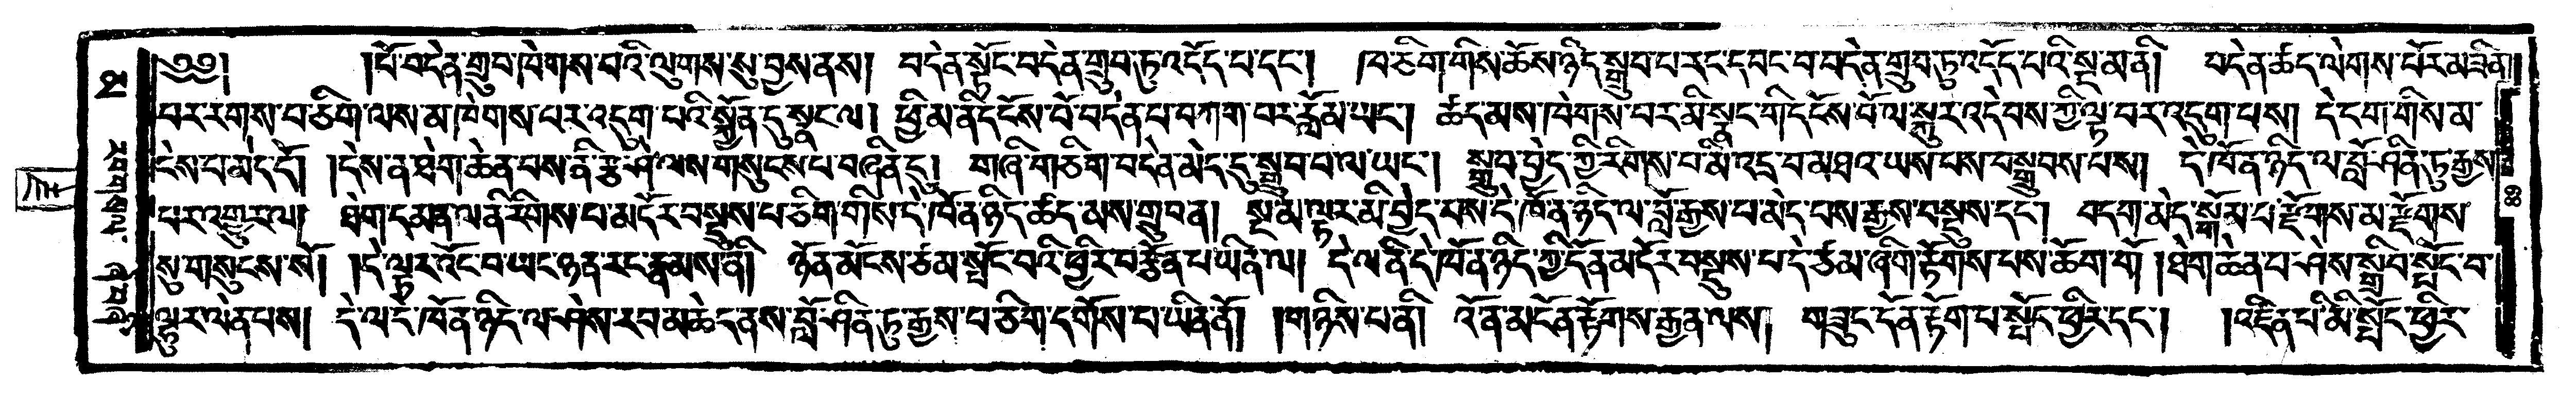༄༅། །པོ་བདེན་གྲུབ་ཁེགས་པའི་ལུགས་སུ་བྱས་ནས། བདེན་སྟོང་བདེན་གྲུབ་ཏུ་འདོད་པ་དང་། ཁ་ཅིག་གིས་ཆོས་ཉིད་སྒྲུབ་པའང་དབང་བ་བདེན་གྲུབ་ཏུ་འདོད་པའི་སྔ་མ་ནི། བདེན་ཚད་ལེགས་པོར་མ་ཟིན་
པར་རགས་པ་ཅིག་ལས་མ་ཁེགས་པར་འདུག་པའི་སྐྱོན་དུ་སྣང་ལ། ཕྱི་མ་ནི་དངོས་པོ་བདེན་པ་བཀག་པར་རློམ་ཡང་། ཚད་མས་ཁེགས་པར་མི་སྣང་གི་དངོས་པོ་ལ་སྐུར་འདེབས་ཀྱི་ལྟ་བར་འདུག་པས། དེ་དག་གིས་མ་
ངེས་པ་མེད་དོ། །དེས་ན་ཐེག་ཆེན་པས་ནི་རྩ་ཤེ་ལས་གསུངས་པ་བཞིན་དུ། གཞི་གཅིག་བདེན་མེད་དུ་སྒྲུབ་པ་ལ་ཡང་། སྒྲུབ་བྱེད་ཀྱི་རིགས་པ་མི་འདྲ་བ་མཐའ་ཡས་པས་བསྒྲུབས་པས། དེ་ཁོ་ན་ཉིད་ལ་བློ་ཤིན་ཏུ་རྒྱས་
པར་འགྱུར་ལ། ཐེག་དམན་ལ་ནི་རིགས་པ་མདོར་བསྡུས་པ་ཅིག་གིས་དེ་ཁོ་ན་ཉིད་ཚད་མས་གྲུབ་ན། སྔ་མ་ལྟར་མི་བྱེད་པས་དེ་ཁོ་ན་ཉིད་ལ་བློ་རྒྱས་པ་མེད་པས་རྒྱས་བསྡུས་དང་། བདག་མེད་སྒོམ་པ་རྫོགས་མ་རྫོགས་
སུ་གསུངས་སོ། །དེ་ལྟར་འོང་བ་ཡང་ཉན་རང་རྣམས་ནི། ཉོན་མོངས་ཙམ་སྤོང་བའི་ཕྱིར་བརྩོན་པ་ཡིན་ལ། དེ་ལ་ནི་དེ་ཁོ་ན་ཉིད་ཀྱི་དོན་མདོར་བསྡུས་པ་དེ་ཙམ་ཞིག་རྟོགས་པས་ཆོག་གོ །ཐེག་ཆེན་པ་ཤེས་སྒྲིབ་སྤོང་བ་
ལྷུར་ལེན་པས། དེ་ལ་དེ་ཁོ་ན་ཉིད་ལ་ཤེས་རབ་མཆེད་ནས་བློ་ཤིན་ཏུ་རྒྱས་པ་ཅིག་དགོས་པ་ཡིན་ནོ། །གཉིས་པ་ནི། འོ་ན་མངོན་རྟོགས་རྒྱན་ལས། གཟུང་དོན་རྟོག་པ་སྤོང་ཕྱིར་དང་། །འཛིན་པ་མི་སྤོང་ཕྱིར་